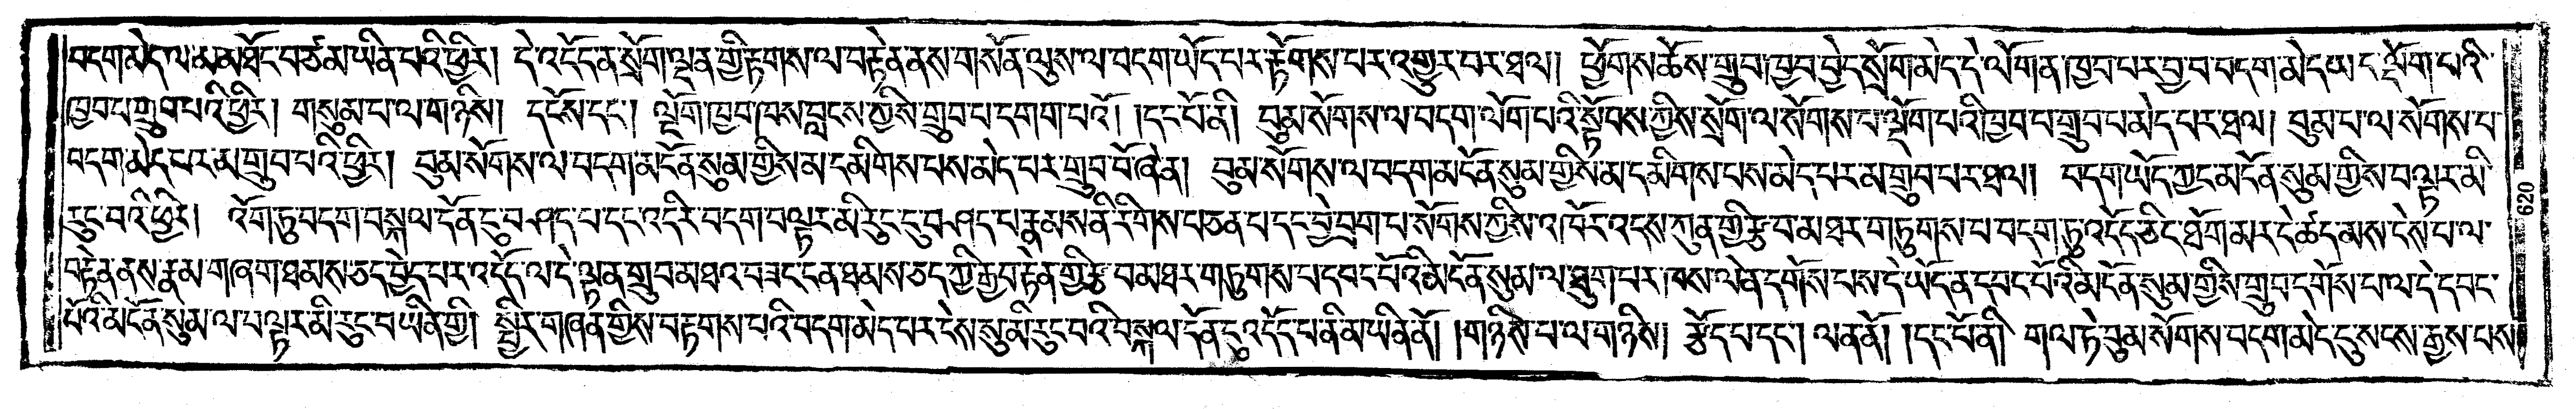བདག་མེད་ལ་མ་མཐོང་བ་ཙམ་ཡིན་པའི་ཕྱིར། དེ་འདོད་ན་སྲོག་ལྡན་གྱི་རྟགས་ལ་བརྟེན་ནས་གསོན་ལུས་ལ་བདག་ཡོད་པར་རྟོགས་པར་འགྱུར་བར་ཐལ། ཕྱོགས་ཆོས་གྲུབ་ཁྱབ་བྱེད་སྲོག་མེད་དེ་ལོག་ན་ཁྱབ་པར་བྱ་བ་བདག་མེད་ཡང་ལྡོག་པའི་
ཁྱབ་པ་གྲུབ་པའི་ཕྱིར། གསུམ་པ་ལ་གཉིས། དངོས་དང་། ལྡོག་ཁྱབ་ཁས་བླངས་ཀྱིས་གྲུབ་པ་དགག་པའོ། །དང་པོ་ནི། བུམ་སོགས་ལ་བདག་ལོག་པའི་སྟོབས་ཀྱིས་སྲོག་ལ་སོགས་པ་ལྡོག་པའི་ཁྱབ་པ་གྲུབ་པ་མེད་པར་ཐལ། བུམ་པ་ལ་སོགས་པ་
བདག་མེད་པར་མ་གྲུབ་པའི་ཕྱིར། བུམ་སོགས་ལ་བདག་མངོན་སུམ་གྱིས་མ་དམིགས་པས་མེད་པར་གྲུབ་བོ་ཞེ་ན། བུམ་སོགས་ལ་བདག་མངོན་སུམ་གྱིས་མ་དམིགས་པས་མེད་པར་མ་གྲུབ་པར་ཐལ། བདག་ཡོད་ཀྱང་མངོན་སུམ་གྱིས་བལྟར་མི་
རུང་བའི་ཕྱིར། འོག་ཏུ་བདག་བསྐལ་དོན་དུ་བཤད་པ་དང་འདིར་བདག་བལྟར་མི་རུང་དུ་བཤད་པ་རྣམས་ནི་རིགས་པ་ཅན་པ་དང་བྱེ་བྲག་པ་སོགས་ཀྱིས་འཁོར་འདས་ཀུན་གྱི་རྩ་བ་མཐར་གཏུགས་པ་བདག་ཏུ་འདོད་ཅིང་ཐོག་མར་དེ་ཚད་མས་ངེས་པ་ལ་
བརྟེན་ནས་རྣམ་གཞག་ཐམས་ཅད་བྱེད་པར་འདོད་ལ་དེ་ལྟ་ན་གྲུབ་མཐའ་བཟང་ངན་ཐམས་ཅད་ཀྱི་རྒྱབ་རྟེན་གྱི་རྩ་བ་མཐར་གཏུགས་པ་དབང་པོའི་མངོན་སུམ་ལ་ཐུག་པར་ཁས་ལེན་དགོས་པས་དེ་ཡོད་ན་དབང་པོའི་མངོན་སུམ་གྱིས་གྲུབ་དགོས་པ་ལ་དེ་དབང་
པོའི་མངོན་སུམ་ལ་བལྟར་མི་རུང་བ་ཡིན་གྱི། སྤྱིར་གཞན་གྱིས་བརྟགས་པའི་བདག་མེད་པར་ངེས་སུ་མི་རུང་བའི་བསྐལ་དོན་དུ་འདོད་པ་ནི་མ་ཡིན་ནོ། །གཉིས་པ་ལ་གཉིས། རྩོད་པ་དང་། ལན་ནོ། །དང་པོ་ནི། གལ་ཏེ་བུམ་སོགས་བདག་མེད་དུ་སངས་རྒྱས་པས་